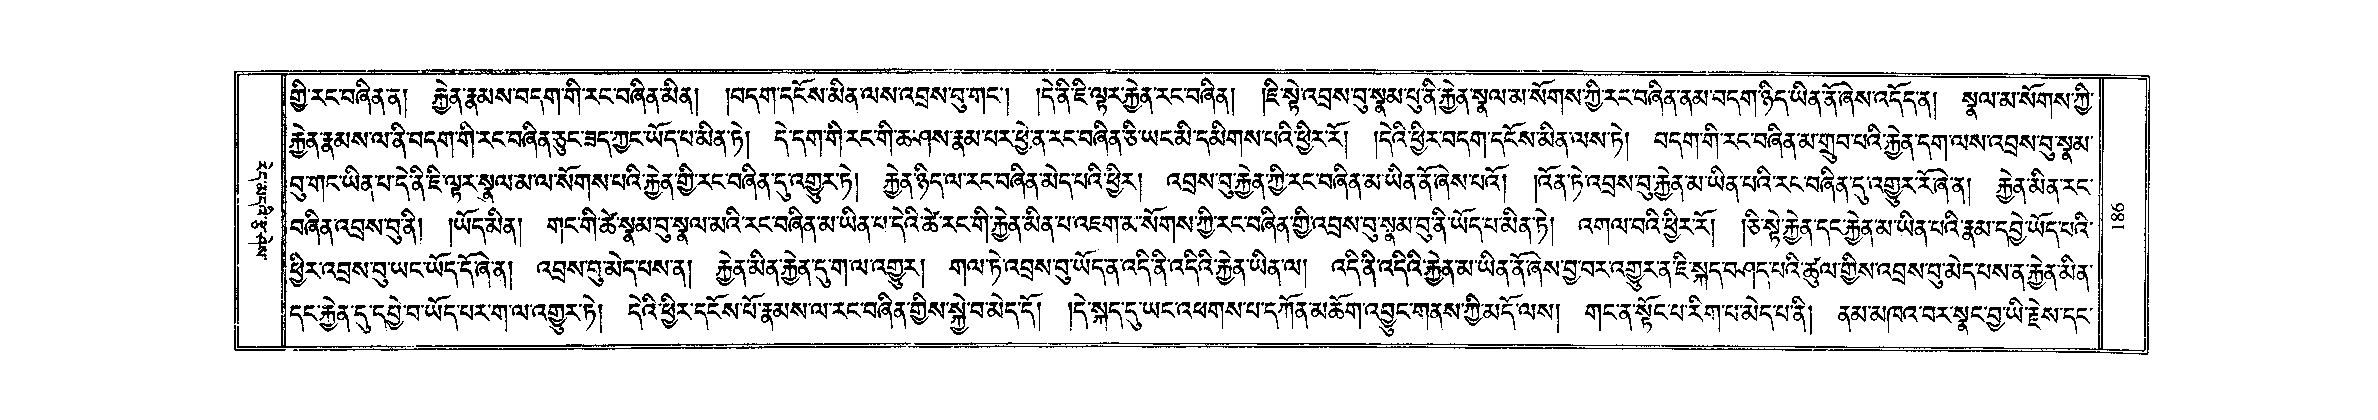གྱི་རང་བཞིན་ན། རྐྱེན་རྣམས་བདག་གི་རང་བཞིན་མིན། །བདག་དངོས་མིན་ལས་འབྲས་བུ་གང་། །དེ་ནི་ཇི་ལྟར་རྐྱེན་རང་བཞིན། །ཇི་སྟེ་འབྲས་བུ་སྣམ་བུ་ནི་རྐྱེན་སྣལ་མ་སོགས་ཀྱི་རང་བཞིན་ནམ་བདག་ཉིད་ཡིན་ནོ་ཞེས་འདོད་ན། སྣལ་མ་སོགས་ཀྱི་
རྐྱེན་རྣམས་ལ་ནི་བདག་གི་རང་བཞིན་ཅུང་ཟད་ཀྱང་ཡོད་པ་མིན་ཏེ། དེ་དག་གི་རང་གི་ཆ་ཤས་རྣམ་པར་ཕྱེ་ན་རང་བཞིན་ཅི་ཡང་མི་དམིགས་པའི་ཕྱིར་རོ། །དེའི་ཕྱིར་བདག་དངོས་མིན་ལས་ཏེ། བདག་གི་རང་བཞིན་མ་གྲུབ་པའི་རྐྱེན་དག་ལས་འབྲས་བུ་སྣམ་
བུ་གང་ཡིན་པ་དེ་ནི་ཇི་ལྟར་སྣལ་མ་ལ་སོགས་པའི་རྐྱེན་གྱི་རང་བཞིན་དུ་འགྱུར་ཏེ། རྐྱེན་ཉིད་ལ་རང་བཞིན་མེད་པའི་ཕྱིར། འབྲས་བུ་རྐྱེན་གྱི་རང་བཞིན་མ་ཡིན་ནོ་ཞེས་པའོ། །འོན་ཏེ་འབྲས་བུ་རྐྱེན་མ་ཡིན་པའི་རང་བཞིན་དུ་འགྱུར་རོ་ཞེ་ན། རྐྱེན་མིན་རང་
བཞིན་འབྲས་བུ་ནི། །ཡོད་མིན། གང་གི་ཚེ་སྣམ་བུ་སྣལ་མའི་རང་བཞིན་མ་ཡིན་པ་དེའི་ཚེ་རང་གི་རྐྱེན་མིན་པ་འཇག་མ་སོགས་ཀྱི་རང་བཞིན་གྱི་འབྲས་བུ་སྣམ་བུ་ནི་ཡོད་པ་མིན་ཏེ། འགལ་བའི་ཕྱིར་རོ། །ཅི་སྟེ་རྐྱེན་དང་རྐྱེན་མ་ཡིན་པའི་རྣམ་དབྱེ་ཡོད་པའི་
ཕྱིར་འབྲས་བུ་ཡང་ཡོད་དོ་ཞེ་ན། འབྲས་བུ་མེད་པས་ན། རྐྱེན་མིན་རྐྱེན་དུ་ག་ལ་འགྱུར། གལ་ཏེ་འབྲས་བུ་ཡོད་ན་འདི་ནི་འདིའི་རྐྱེན་ཡིན་ལ། འདི་ནི་འདིའི་རྐྱེན་མ་ཡིན་ནོ་ཞེས་བྱ་བར་འགྱུར་ན་ཇི་སྐད་བཤད་པའི་ཚུལ་གྱིས་འབྲས་བུ་མེད་པས་ན་རྐྱེན་མིན་
དང་རྐྱེན་དུ་དབྱེ་བ་ཡོད་པར་ག་ལ་འགྱུར་ཏེ། དེའི་ཕྱིར་དངོས་པོ་རྣམས་ལ་རང་བཞིན་གྱིས་སྐྱེ་བ་མེད་དོ། །དེ་སྐད་དུ་ཡང་འཕགས་པ་དཀོན་མཆོག་འབྱུང་གནས་ཀྱི་མདོ་ལས། གང་ན་སྟོང་པ་རིག་པ་མེད་པ་ནི། ནམ་མཁའ་བར་སྣང་བྱ་ཡི་རྗེས་དང་